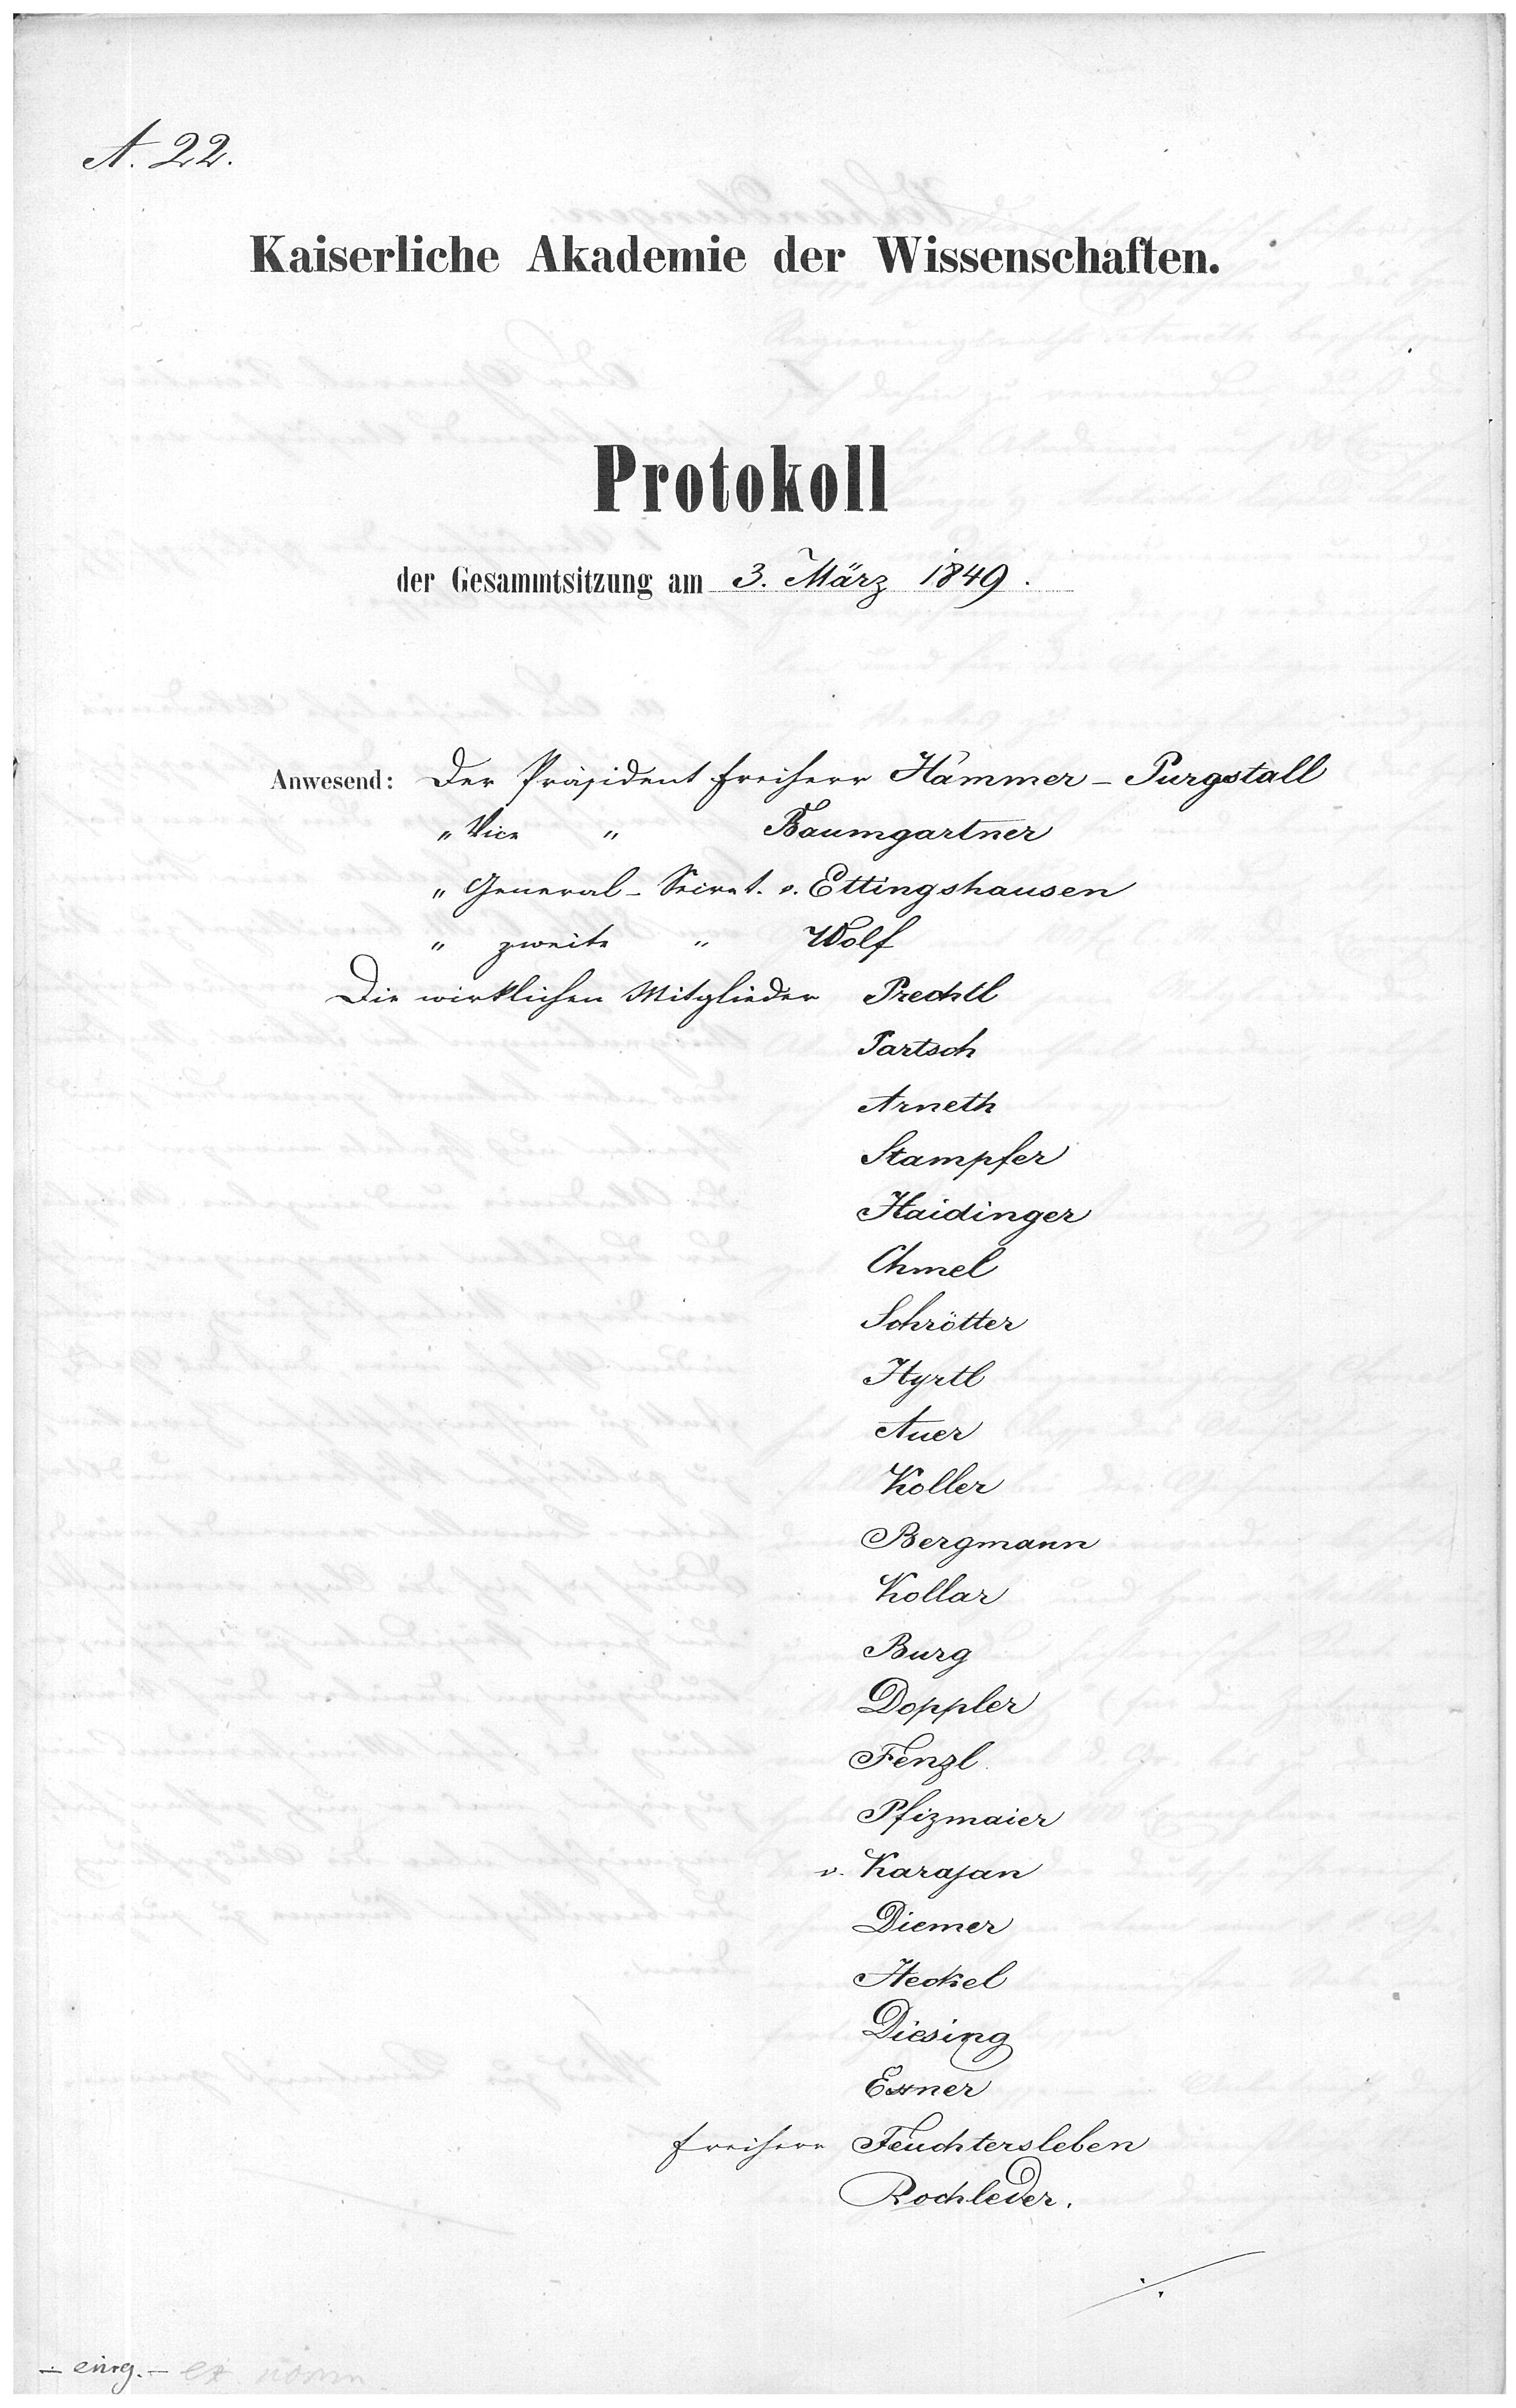A. 22.
Kaiserliche Akademie der Wissenschaften.
Protokoll
der Gesammtsitzung am 3. März 1849
Der Präsident Freiherr Hammer-Purgstall
Anwesend:
" Vice " Baumgartner
" General-Secret. v. Ettingshausen
" zweite " Wolf
Die wirklichen Mitglieder
Prechtl
Partsch
Arneth
Stampfer
Haidinger
Chmel
Schrötter
Hyrtl
Auer
Koller
Bergmann
Kollar
Burg
Doppler
Fenzl
Pfizmaier
v. Karajan
Diemer
Heckel
Diesing
Exner
Freiherr Feuchtersleben
Rochleder